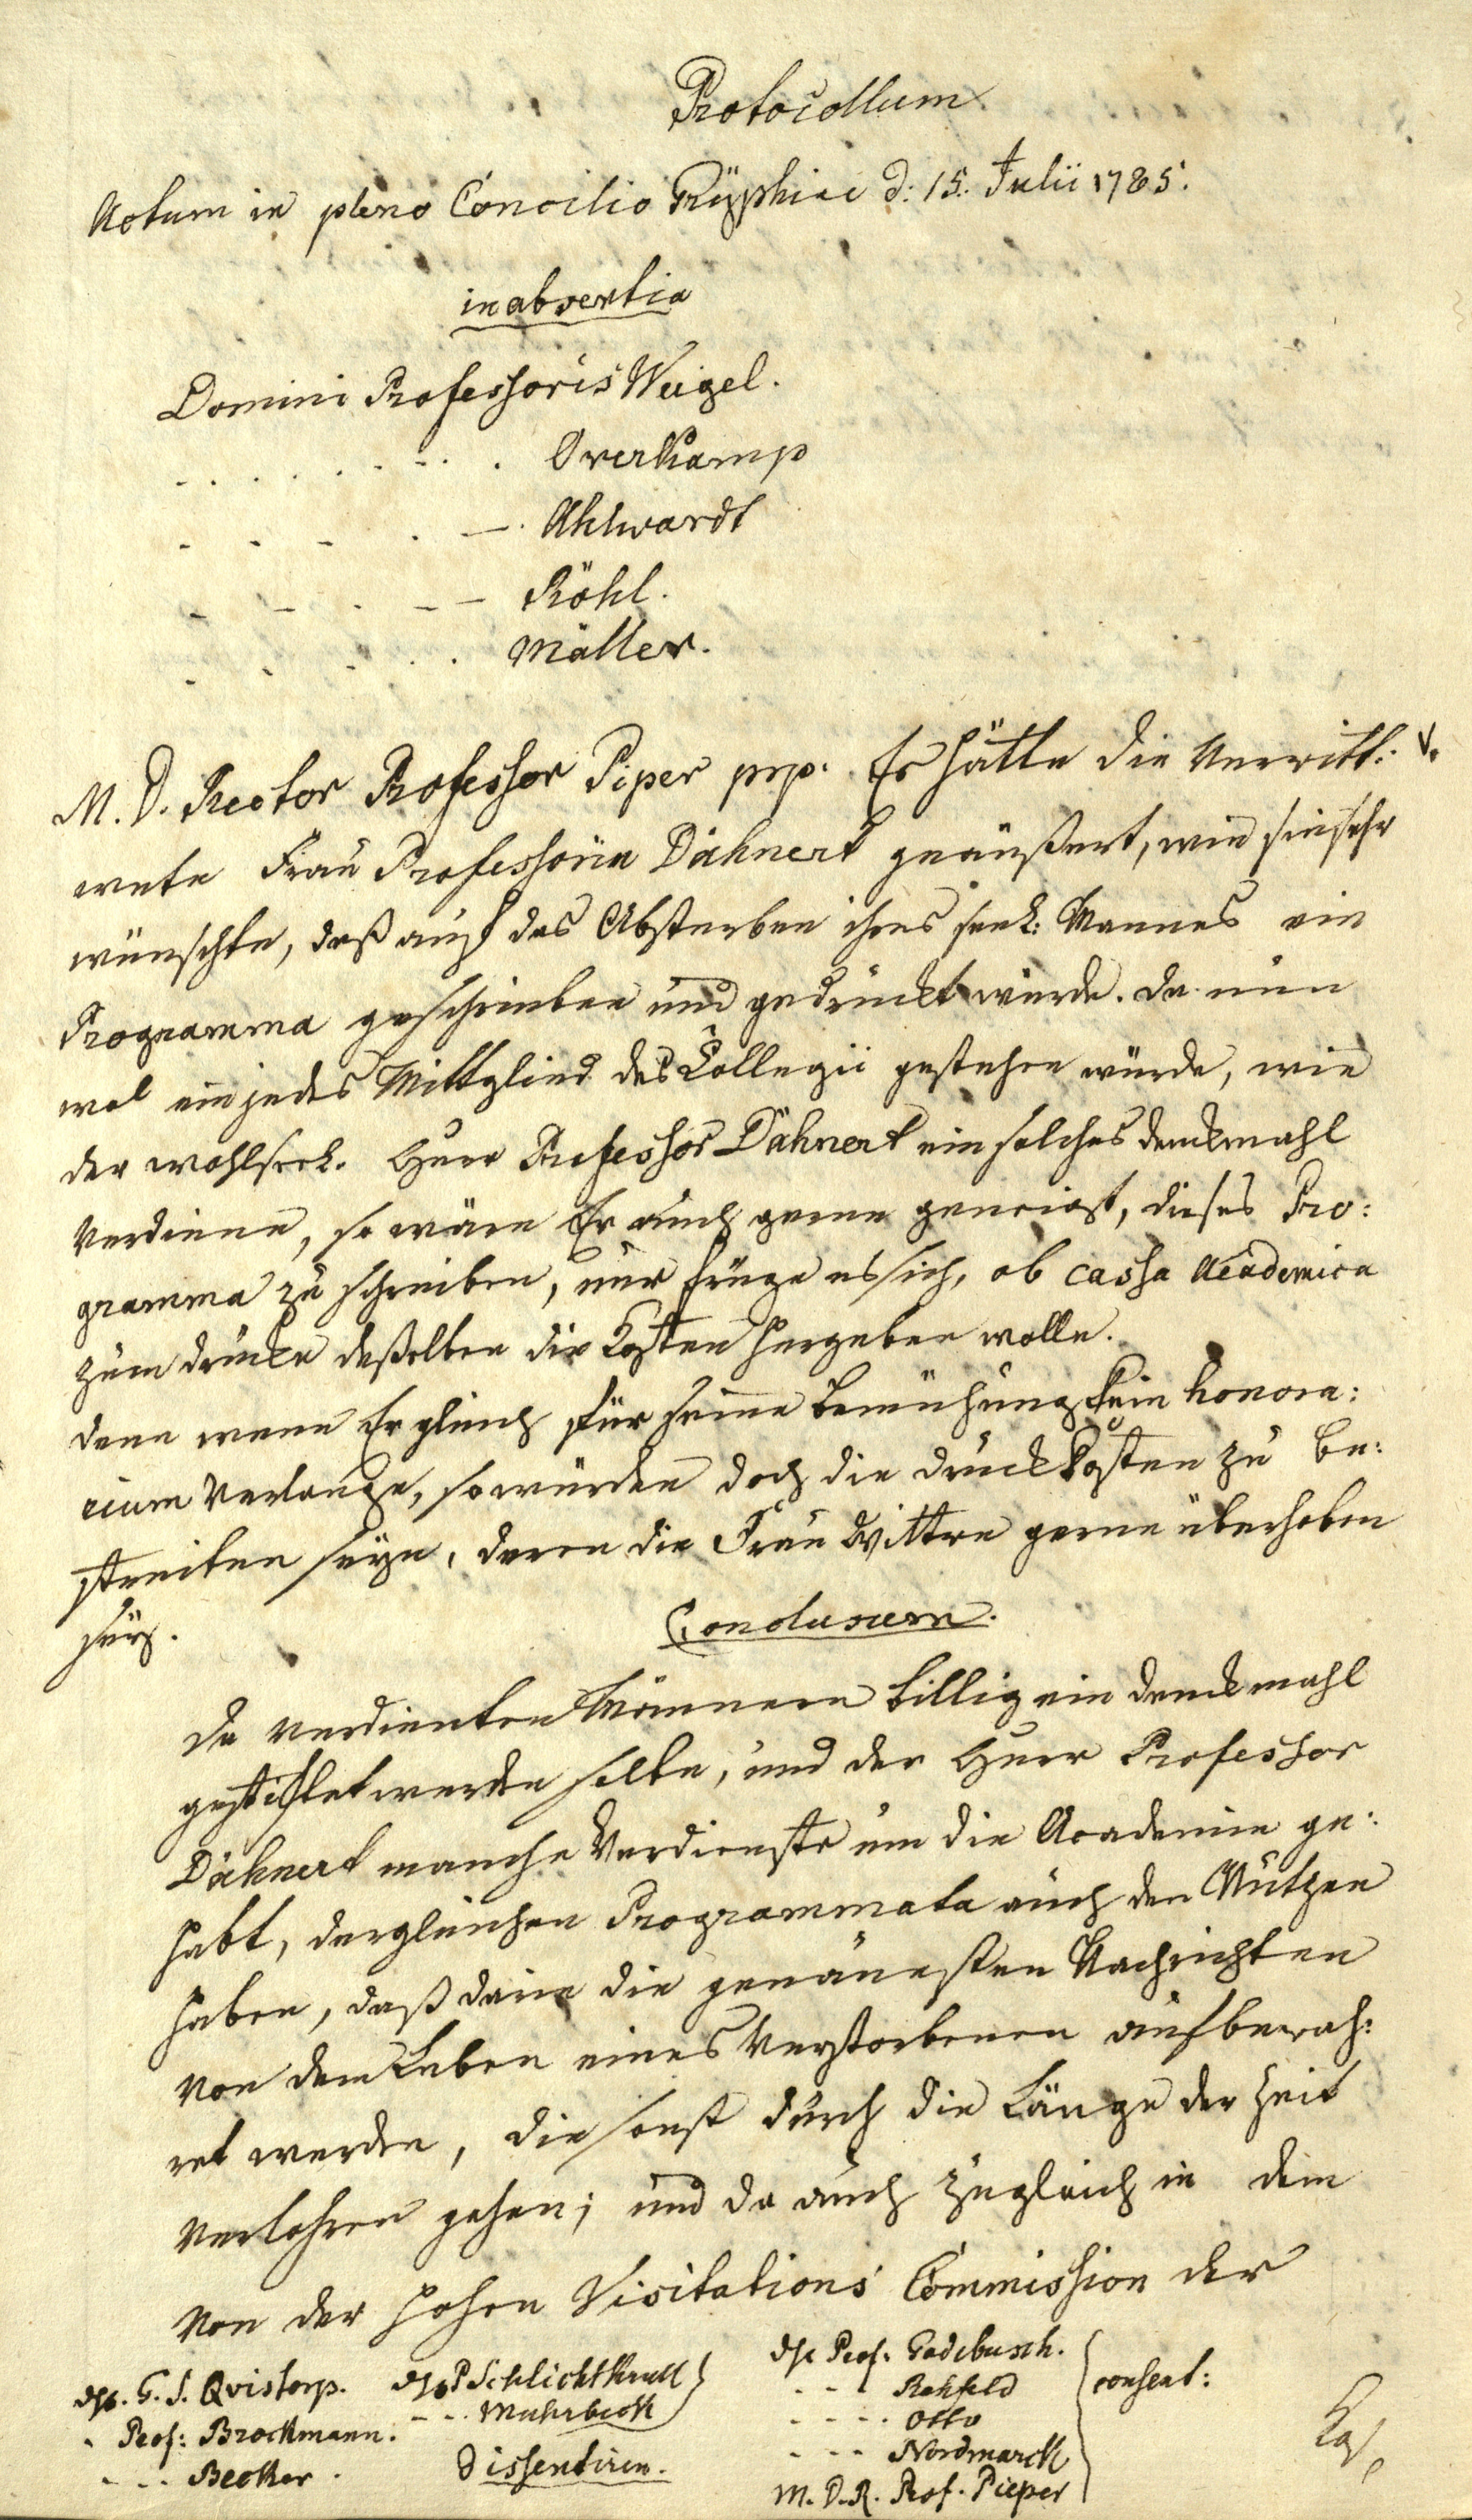Protocollum
Actum in pleno Concilio Grÿphiae d. 15. Julii 1785.
in absentia
Domini Professoris Weigel.
Overkamp
Ahlwardt.
Röhl.
Möller.
M. D. Rector Professor Piper prp. Es hätte die verwitt¬
wete Frau Professorin Dähnert geäußert, wie siesehr
wünschte, daß auf das Absterben ihres seel. Mannes ein
Programma geschrieben und gedruckt würde. Da nun
wol ein jedes Mittglied des Collegii gestehen würde, wie
der wohlseel. Herr Professor Dähnert ein solches Denkmahl
verdiene, so wäre Er auch gerne geneigt, dieses Pro¬
gramma zu schreiben, nur früge es sich, ob casse Academica
zum Drucke deßelben der Kosten hergeben wolle.
denn wenn Er gleich für seine Bemühung kein honora¬
rium verlange, so werden doch die Druckkosten zu be¬
streiten seÿn, deren die Frau Wittwe gerne überhoben
seÿ.
Conclusum
Da verdienten Männern Billig ein Denkmahl
gestiftet werden solte, und der Herr Professor
Dähnert manche Verdienste um die Academie ge¬
habt, dergleichen Programmata auch den Nutzen
haben, daß darin die genauesten Nachrichten
von dem Leben eines Verstorbenen aufbewah¬
ret werden, die sonst durch die Länge der Zeit
verlohren gehen; und da auch zugleich in dem
von der hohen Visitations Commission der
dh Prof. Gadebusch¬
dh. G. J. Quistorp.
dh P Schlichtkrull
Rehfeld
consent
Muhrbeck
Otto
Prof. Brockmann.
Nordmarck,
Becker
dissentiren.
M. D. R. Prof. Pieper